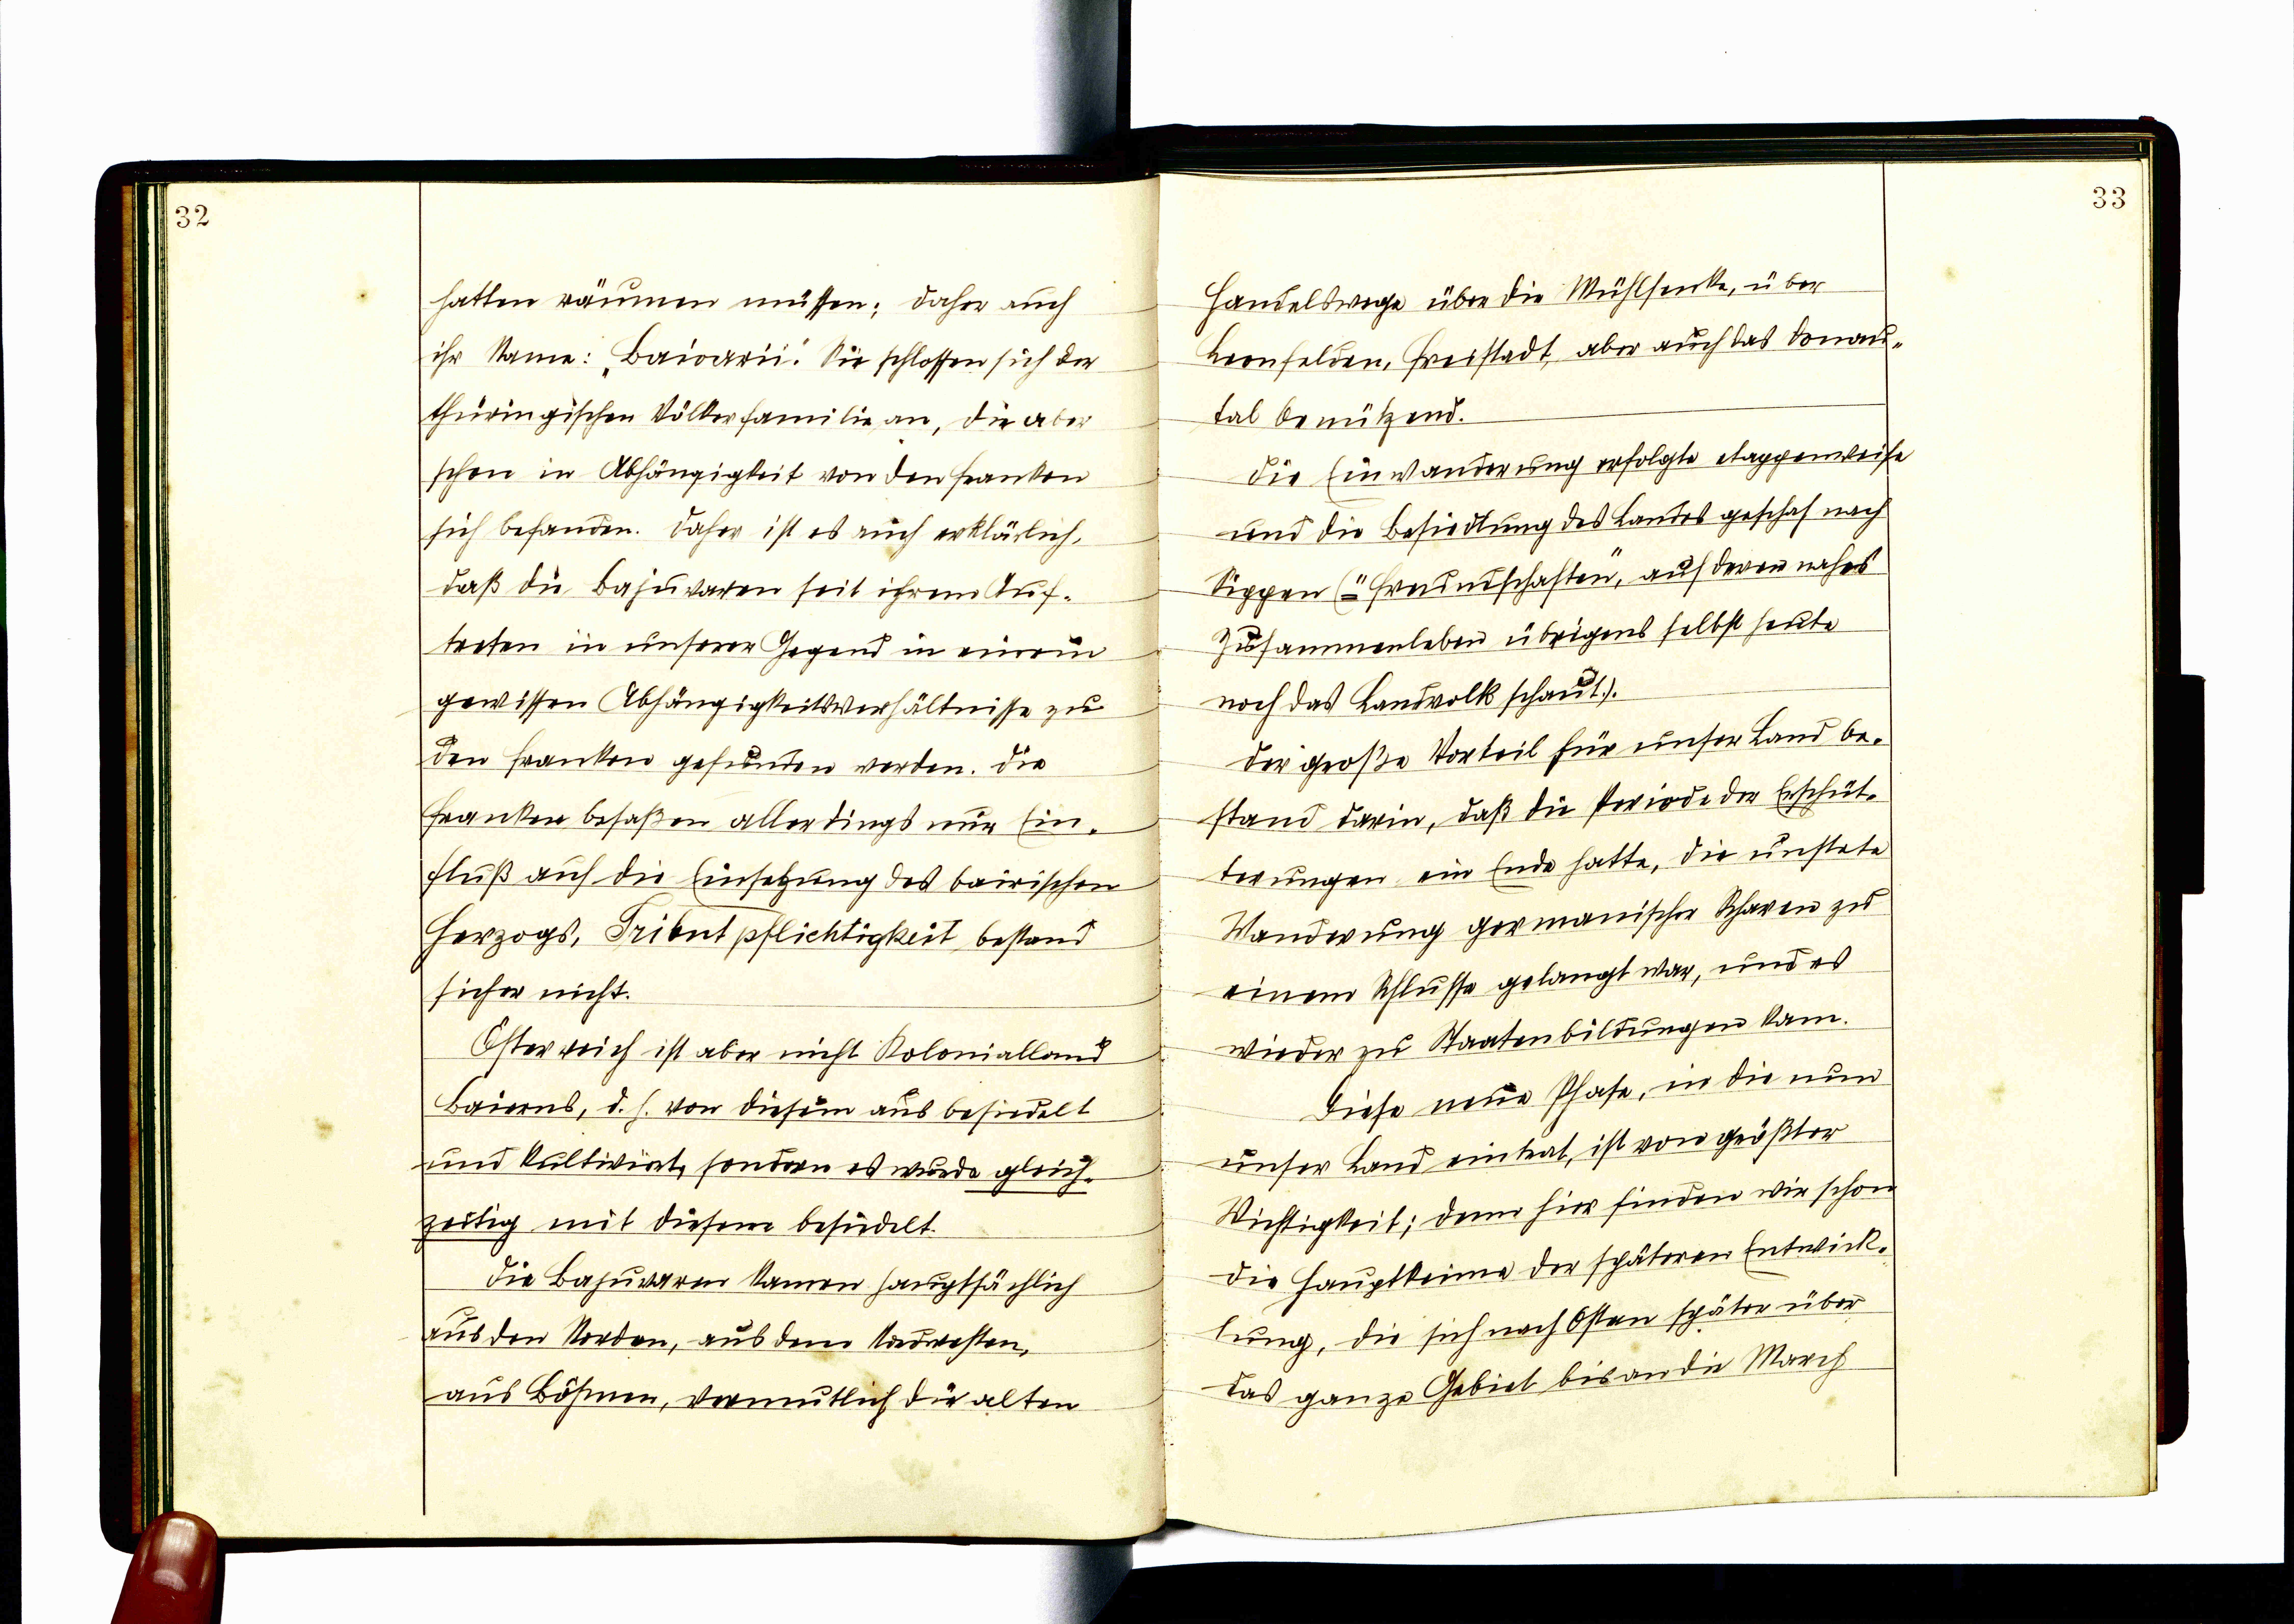hatten räumen müssen; daher auch
ihr Name:“ Baioarii“ Sie schlossen sich der
thüringischen Völkerfamilie an, die aber
schon in Abhängigkeit von den Franken
sich befanden. Daher ist es auch erklärlich,
daß die Bajuwaren seit ihrem Auf-
treten in unserer Gegend in einem
gewissen Abhängigkeitsverhältnisse zu
den Franken gefunden werden. Die
Franken besaßen allerdings nur Ein-
fluß auf die Einsetzung des bairischen
Herzogs, Tributpflichtigkeit bestand
sicher nicht.
Österreich ist aber nicht Kolonialland
Baierns, d. h. von diesem aus besiedelt
und kultivierte sondern es wurde gleich-
zeitig mit diesem besiedelt.
Die Bajuwaren kamen hauptsächlich
aus dem Norden, aus dem Nordwesten,
aus Böhmen, vermutlich die alten
Handelswege über die Mühlsenke über
Leonfelden, Freistadt, aber auch das Donau-
tal benützend.
Die Einwanderung erfolgte etappenweise
und die Besiedlung des Landes geschah nach
Sippen (=“Freundschaften“, auf deren nahes
Zusammenleben übrigens selbst heute
noch das Landvolk schaut.)
Der große Vorteil für unser Land be-
stand darin, daß die Periode der Erschüt-
terungen ein Ende hatte, die unstete
Wanderung germanischer Scharen
zu einem Schlusse gelangt war, und es
wieder zu Staatenbildungen kam.
Diese neue Phase, in die nun
unser Land eintrat ist von größter
Wichtigkeit; denn hier finden wir schon
die Hauptkeime der späteren Entwick-
lung, die sich nach Osten später über
das ganze Gebiet bis an die March